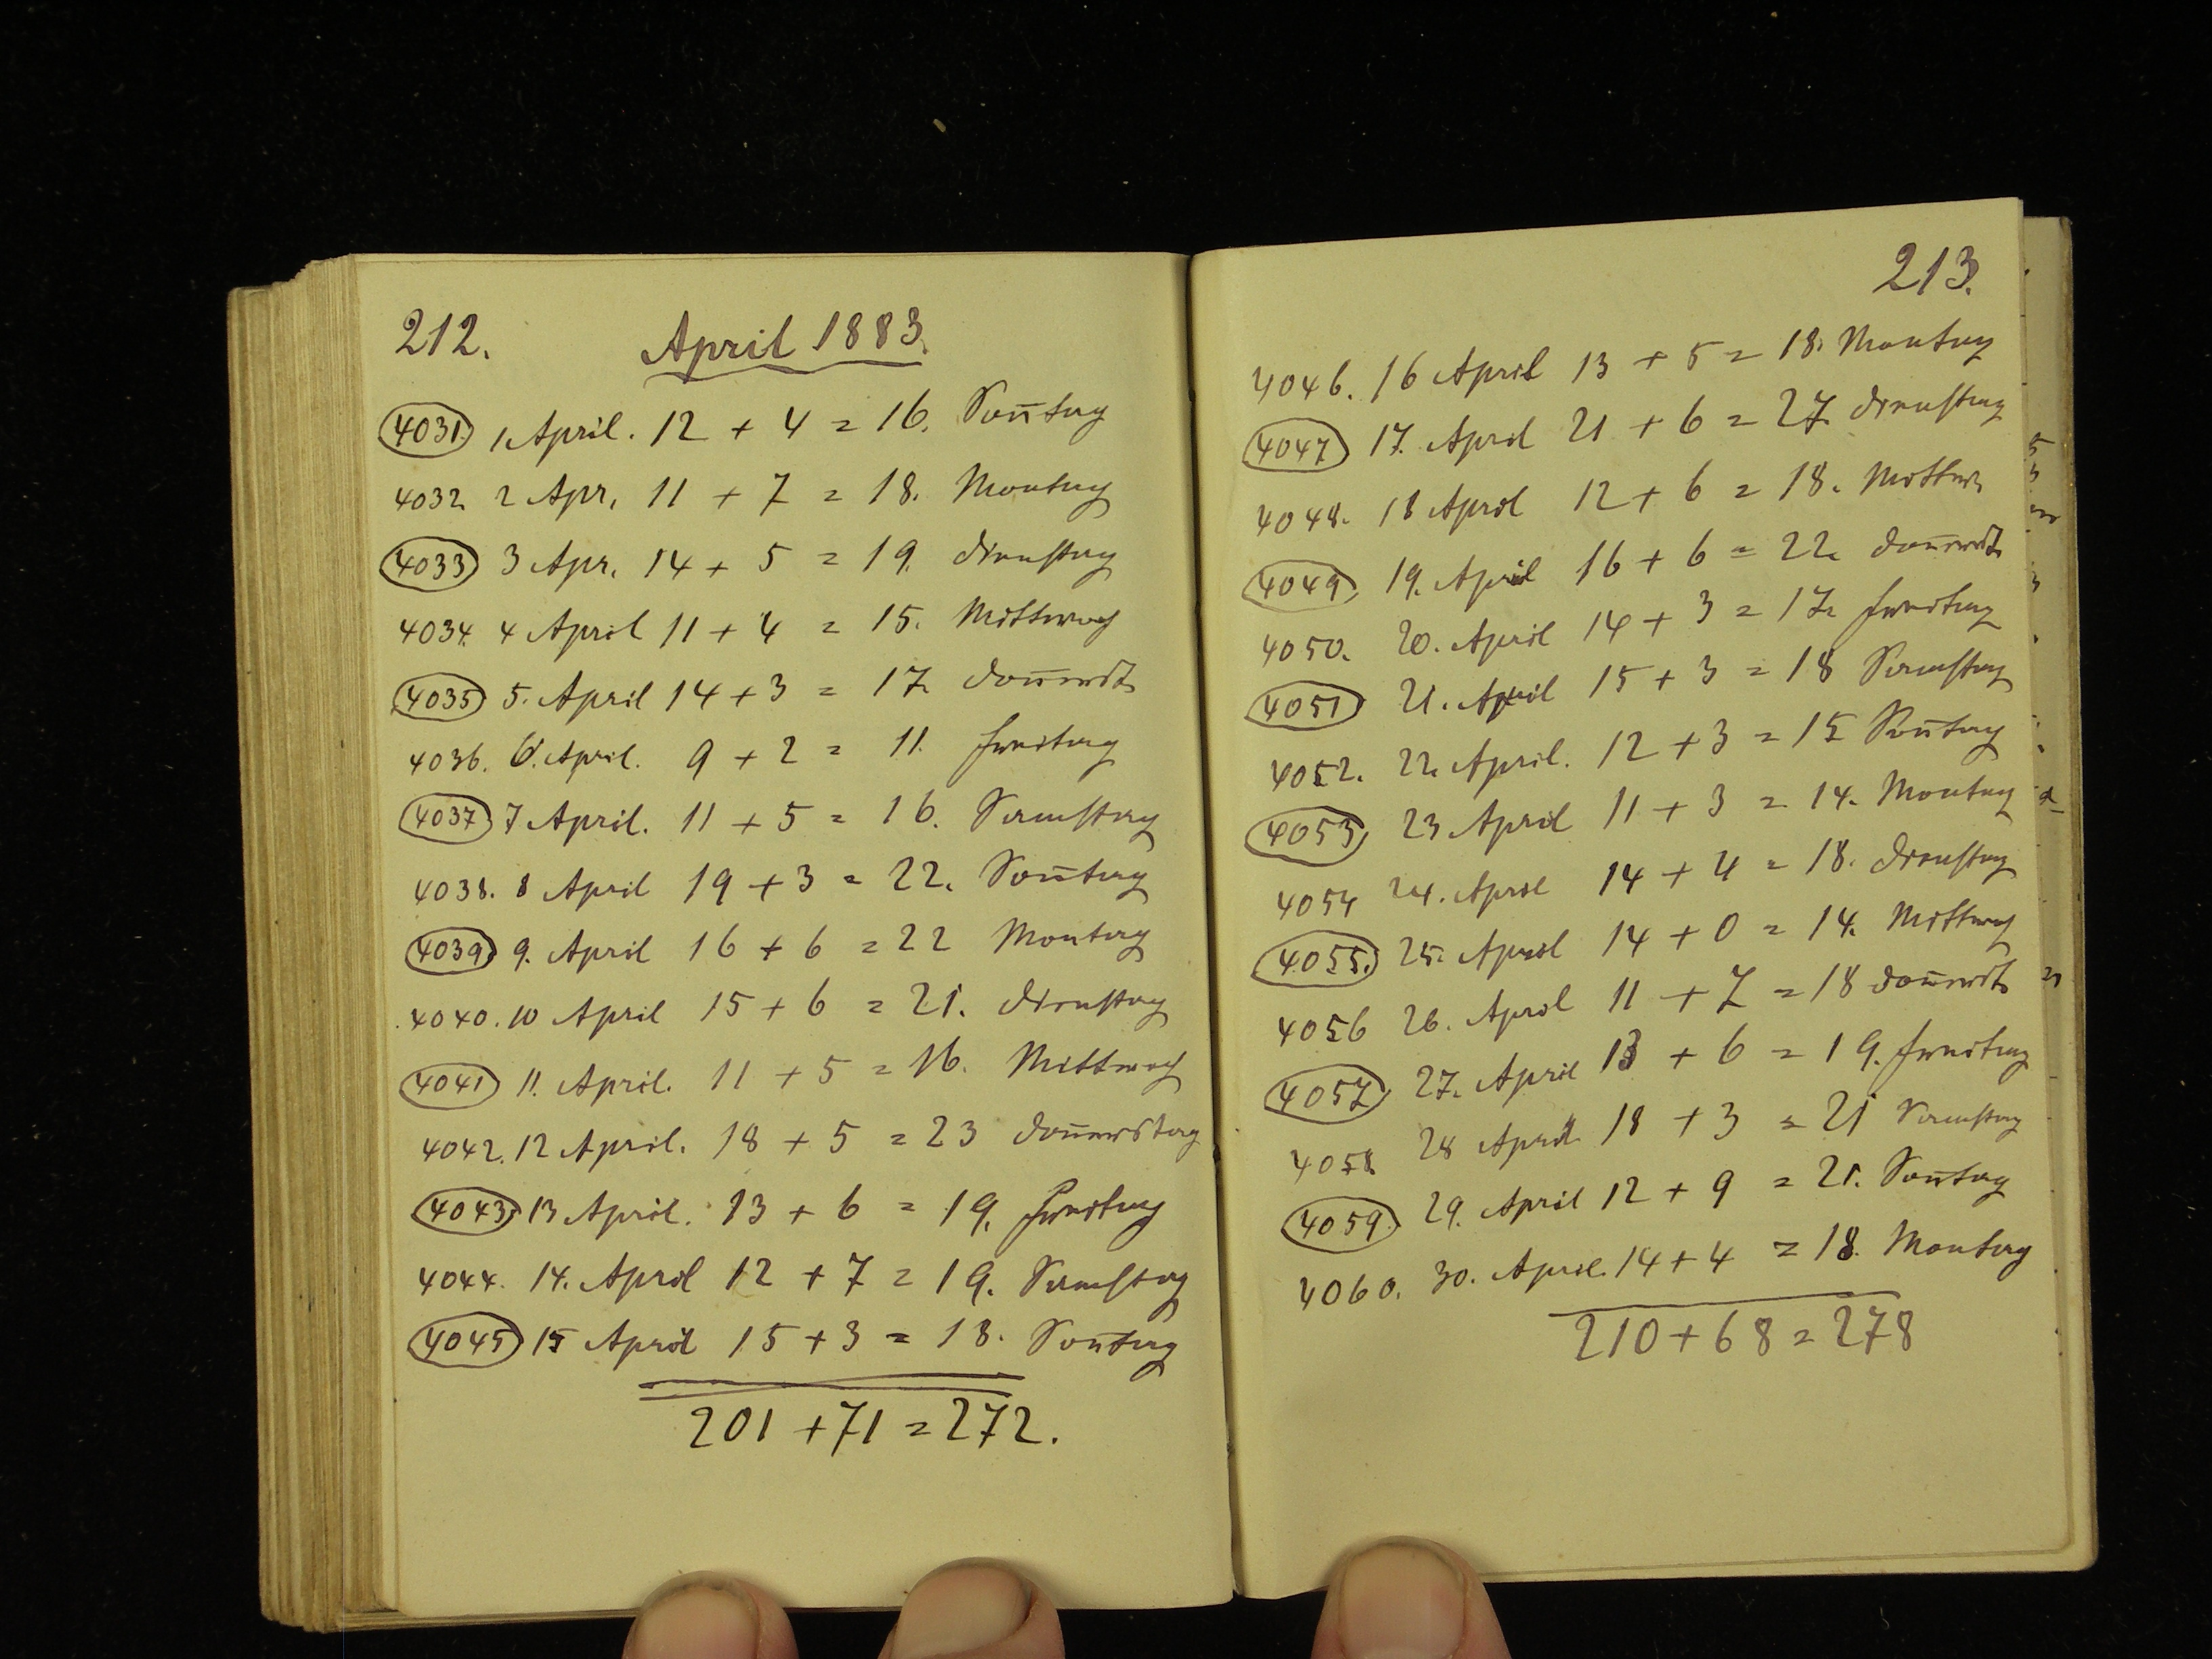212
April 1883
4031 1. April = 12 + 4 = 16. Sonntag
4032 2. April = 11 + 7 = 18. Montag
4033 3. April = 14 + 5 = 19. Dienstag
4034 4. April = 11 + 5 = 15. Mittwoch
4035 5. April = 14 + 3 = 17. Donnerstag
4036 6. April = 9 + 2 = 11. Freitag
4037 7. April = 11 + 5 = 16. Samstag
4038 8. April = 19 + 3 = 22. Sonntag
4039 9. April = 16 + 6 = 22. Montag
4040 10. April = 15 + 6 = 21. Dienstag
4041 11. April = 11 + 5 = 16. Mittwoch
4042 12. April = 18 + 5 = 23. Donnerstag
4043 13. April = 13 + 6 = 19. Freitag
4044 14. April = 12 + 7 = 19. Samstag
4045 15. April = 15 + 3 = 18. Sonntag
201 + 71 = 272
213
4046 16. April = 13 + 5 = 18. Montag
4047 17. April = 21 + 6 = 27.Dienstag
4048 18. April = 12 + 6 = 18. Mittwoch
4049 19. April = 16 + 6 = 22. Donnerstag
4050 20. April = 14 + 3 = 17. Freitag
4051 21. April = 15 + 3 = 18. Samstag
4052 22. April = 12 + 3 = 15. Sonntag
4053 23. April = 11 + 3 = 14. Montag
4054 24. April = 14 + 4 = 18. Dienstag
4055 25. April = 14 + 0 = 14. Mittwoch
4056 26. April = 11 + 7 = 18. Donnerstag
4057 27. April = 13 + 6 = 19. Freitag
4058 28. April = 18 + 3 = 21. Samstag
4059 29. April = 12 + 9 = 21. Sonntag
4060 30. April = 14 + 4 = 18. Montag
210 + 68 = 278